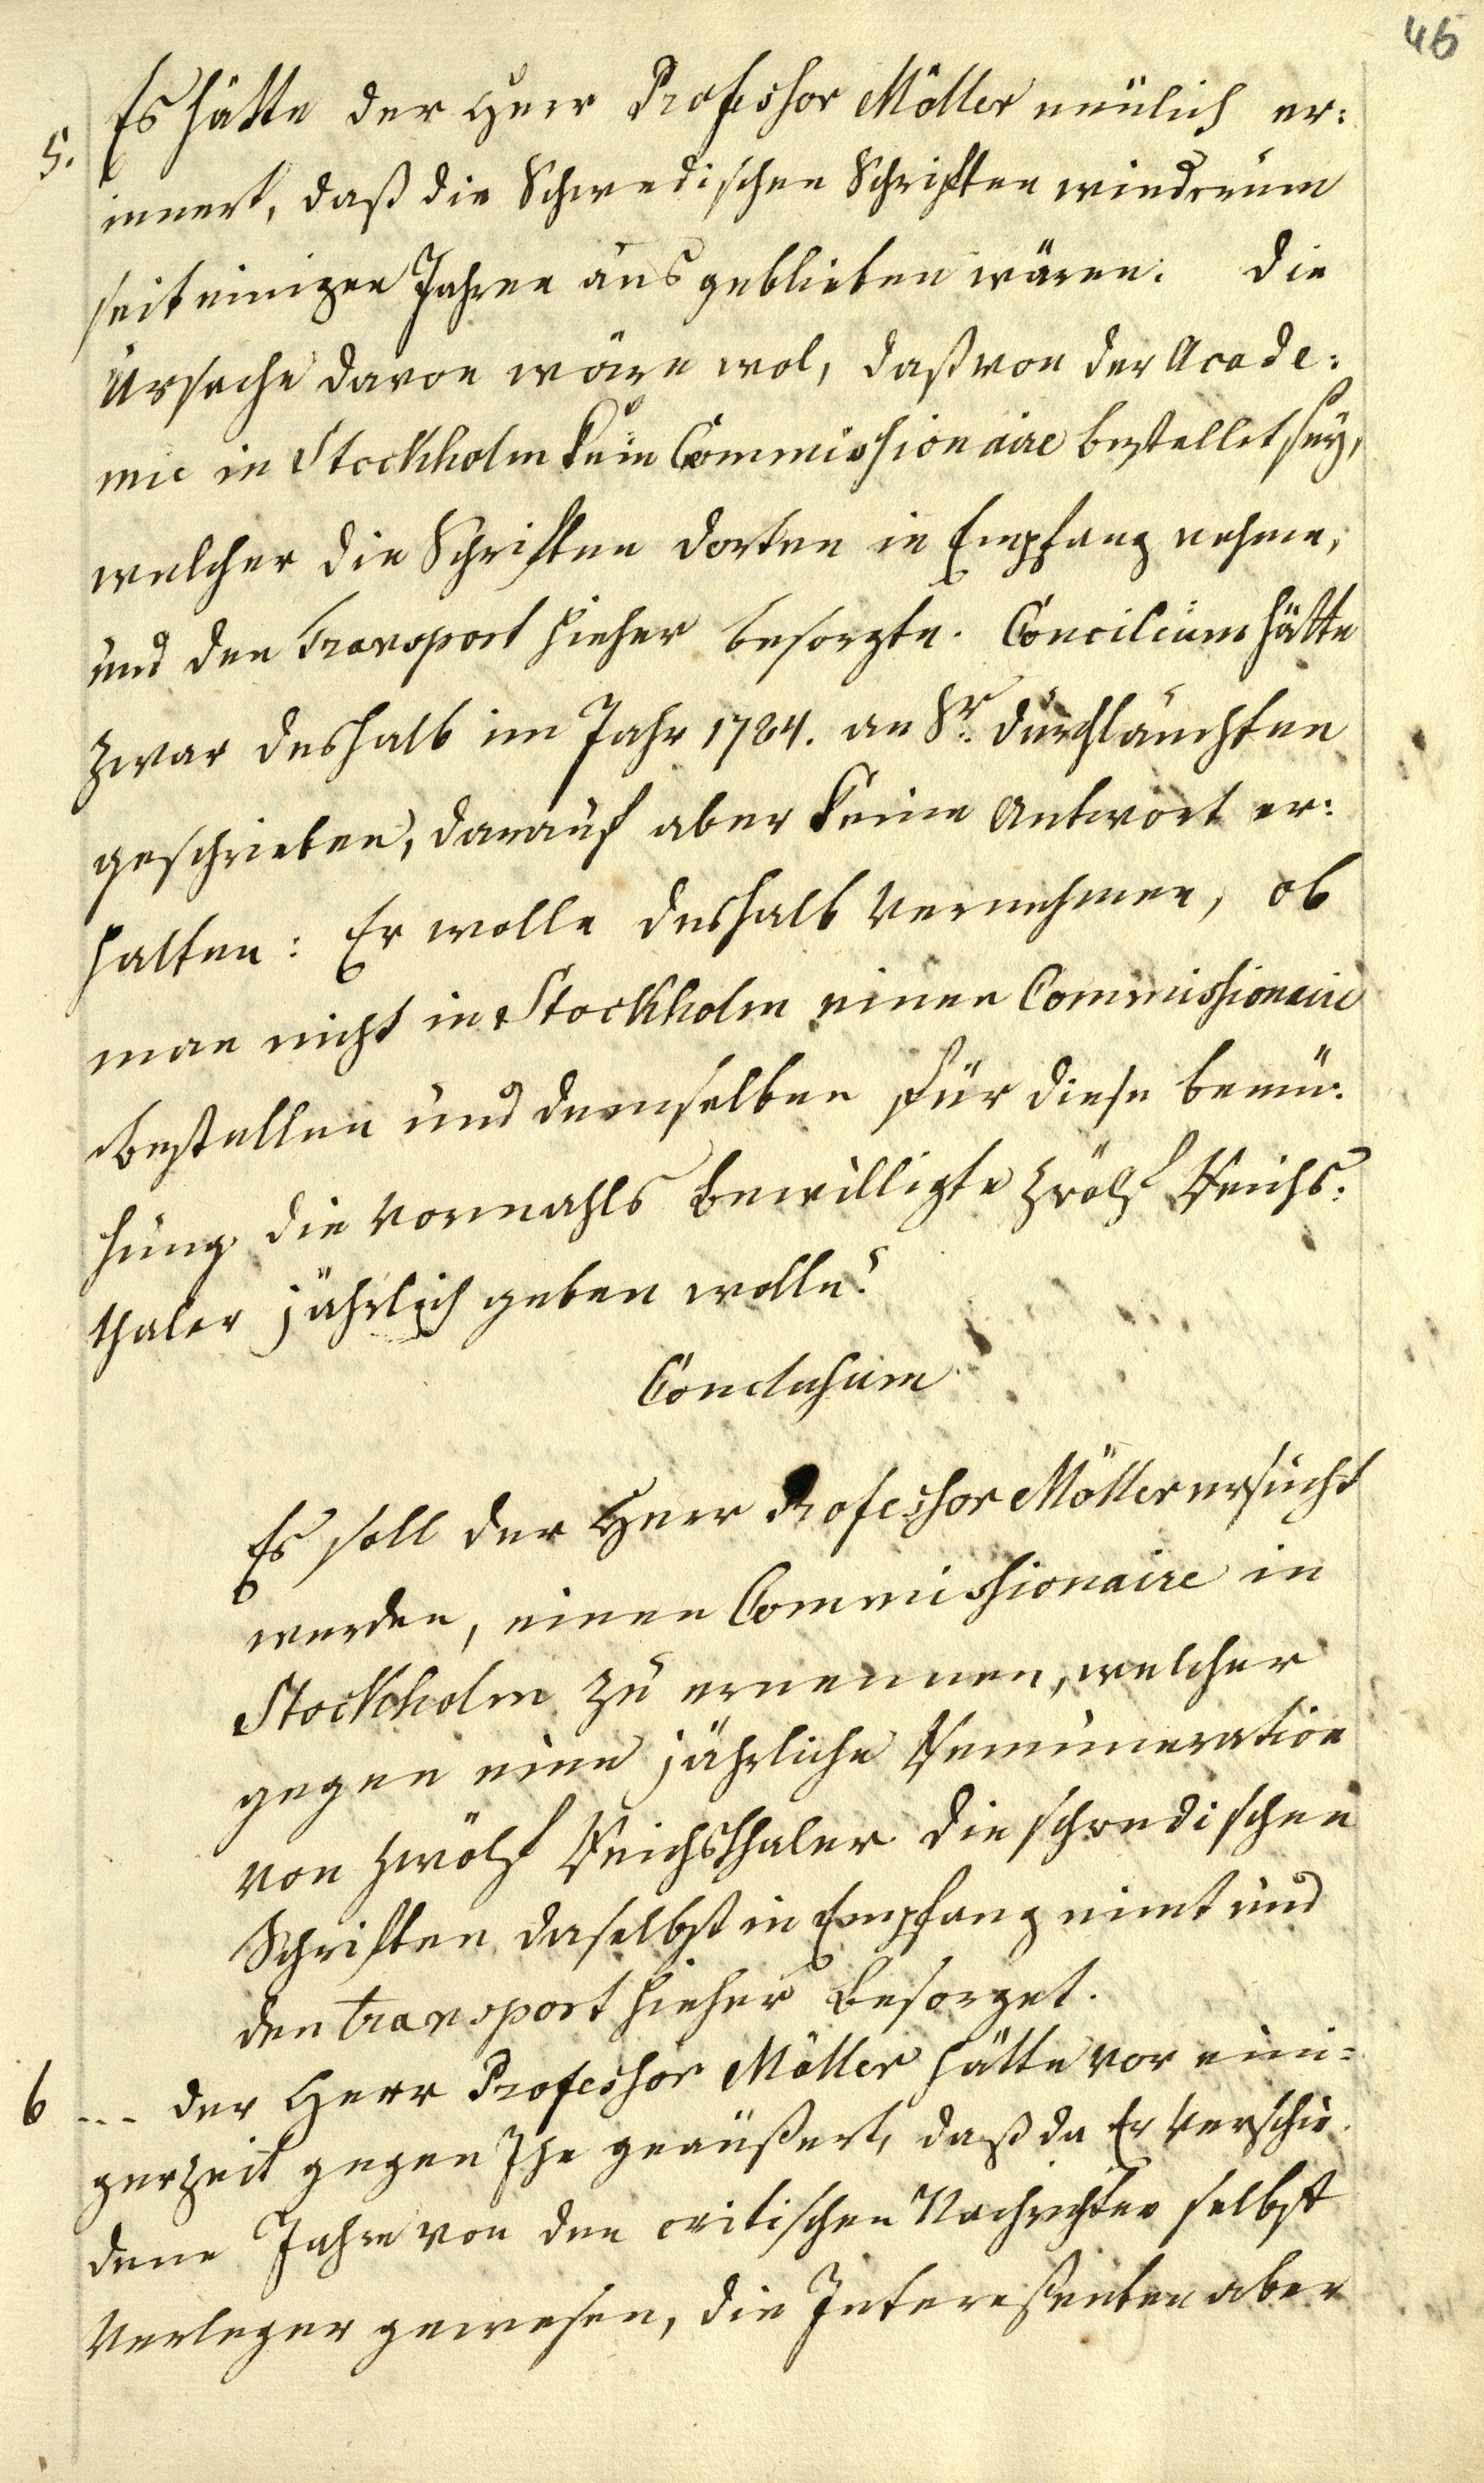5. Es hätte der Herr Professor Möller neulich er¬
innert, daß die Schwedischen Schriften wiederum
seit einigen Jahren aus geblieben wären. Die
Ursache davon wäre wol, daß von der Acade¬
mie in Stockholm kein Commissionaire bestellet seÿ,
welcher die Schriften dorten in Empfang nehme,
und den Transport hieher besorgte. Concilium hätte
zwar deshalb im Jahr 1784. an Sr. Durchlauchten
geschrieben, darauf aber keine Antwort er¬
halten. Er wolle deshalb vernehmen, ob
man nicht in Stockholm einen Commissionaire
bestellen und demselben für diese Bemü¬
hung die vormahls bewilligte zwölf Reichs¬
thaler jährlich geben wolle?
Conclusum
Er soll der Herr Professor Möller ersucht
werden, einen Commissionaire in
Stockholm zu ernennen, welcher
gegen eine jährliche Remuneration
von zwölf Reichsthaler die schwedischen
Schriften daselbst in Empfang nimt und
den Transport hieher besorget.
6. der Herr Professor Möller hätte vor eini¬
ger Zeit gegen Ihn geäußert, daß da Er verschie¬
dene Jahre von den critischen Nachrichten selbst
Verleger gewesen, die Intereßenten aber